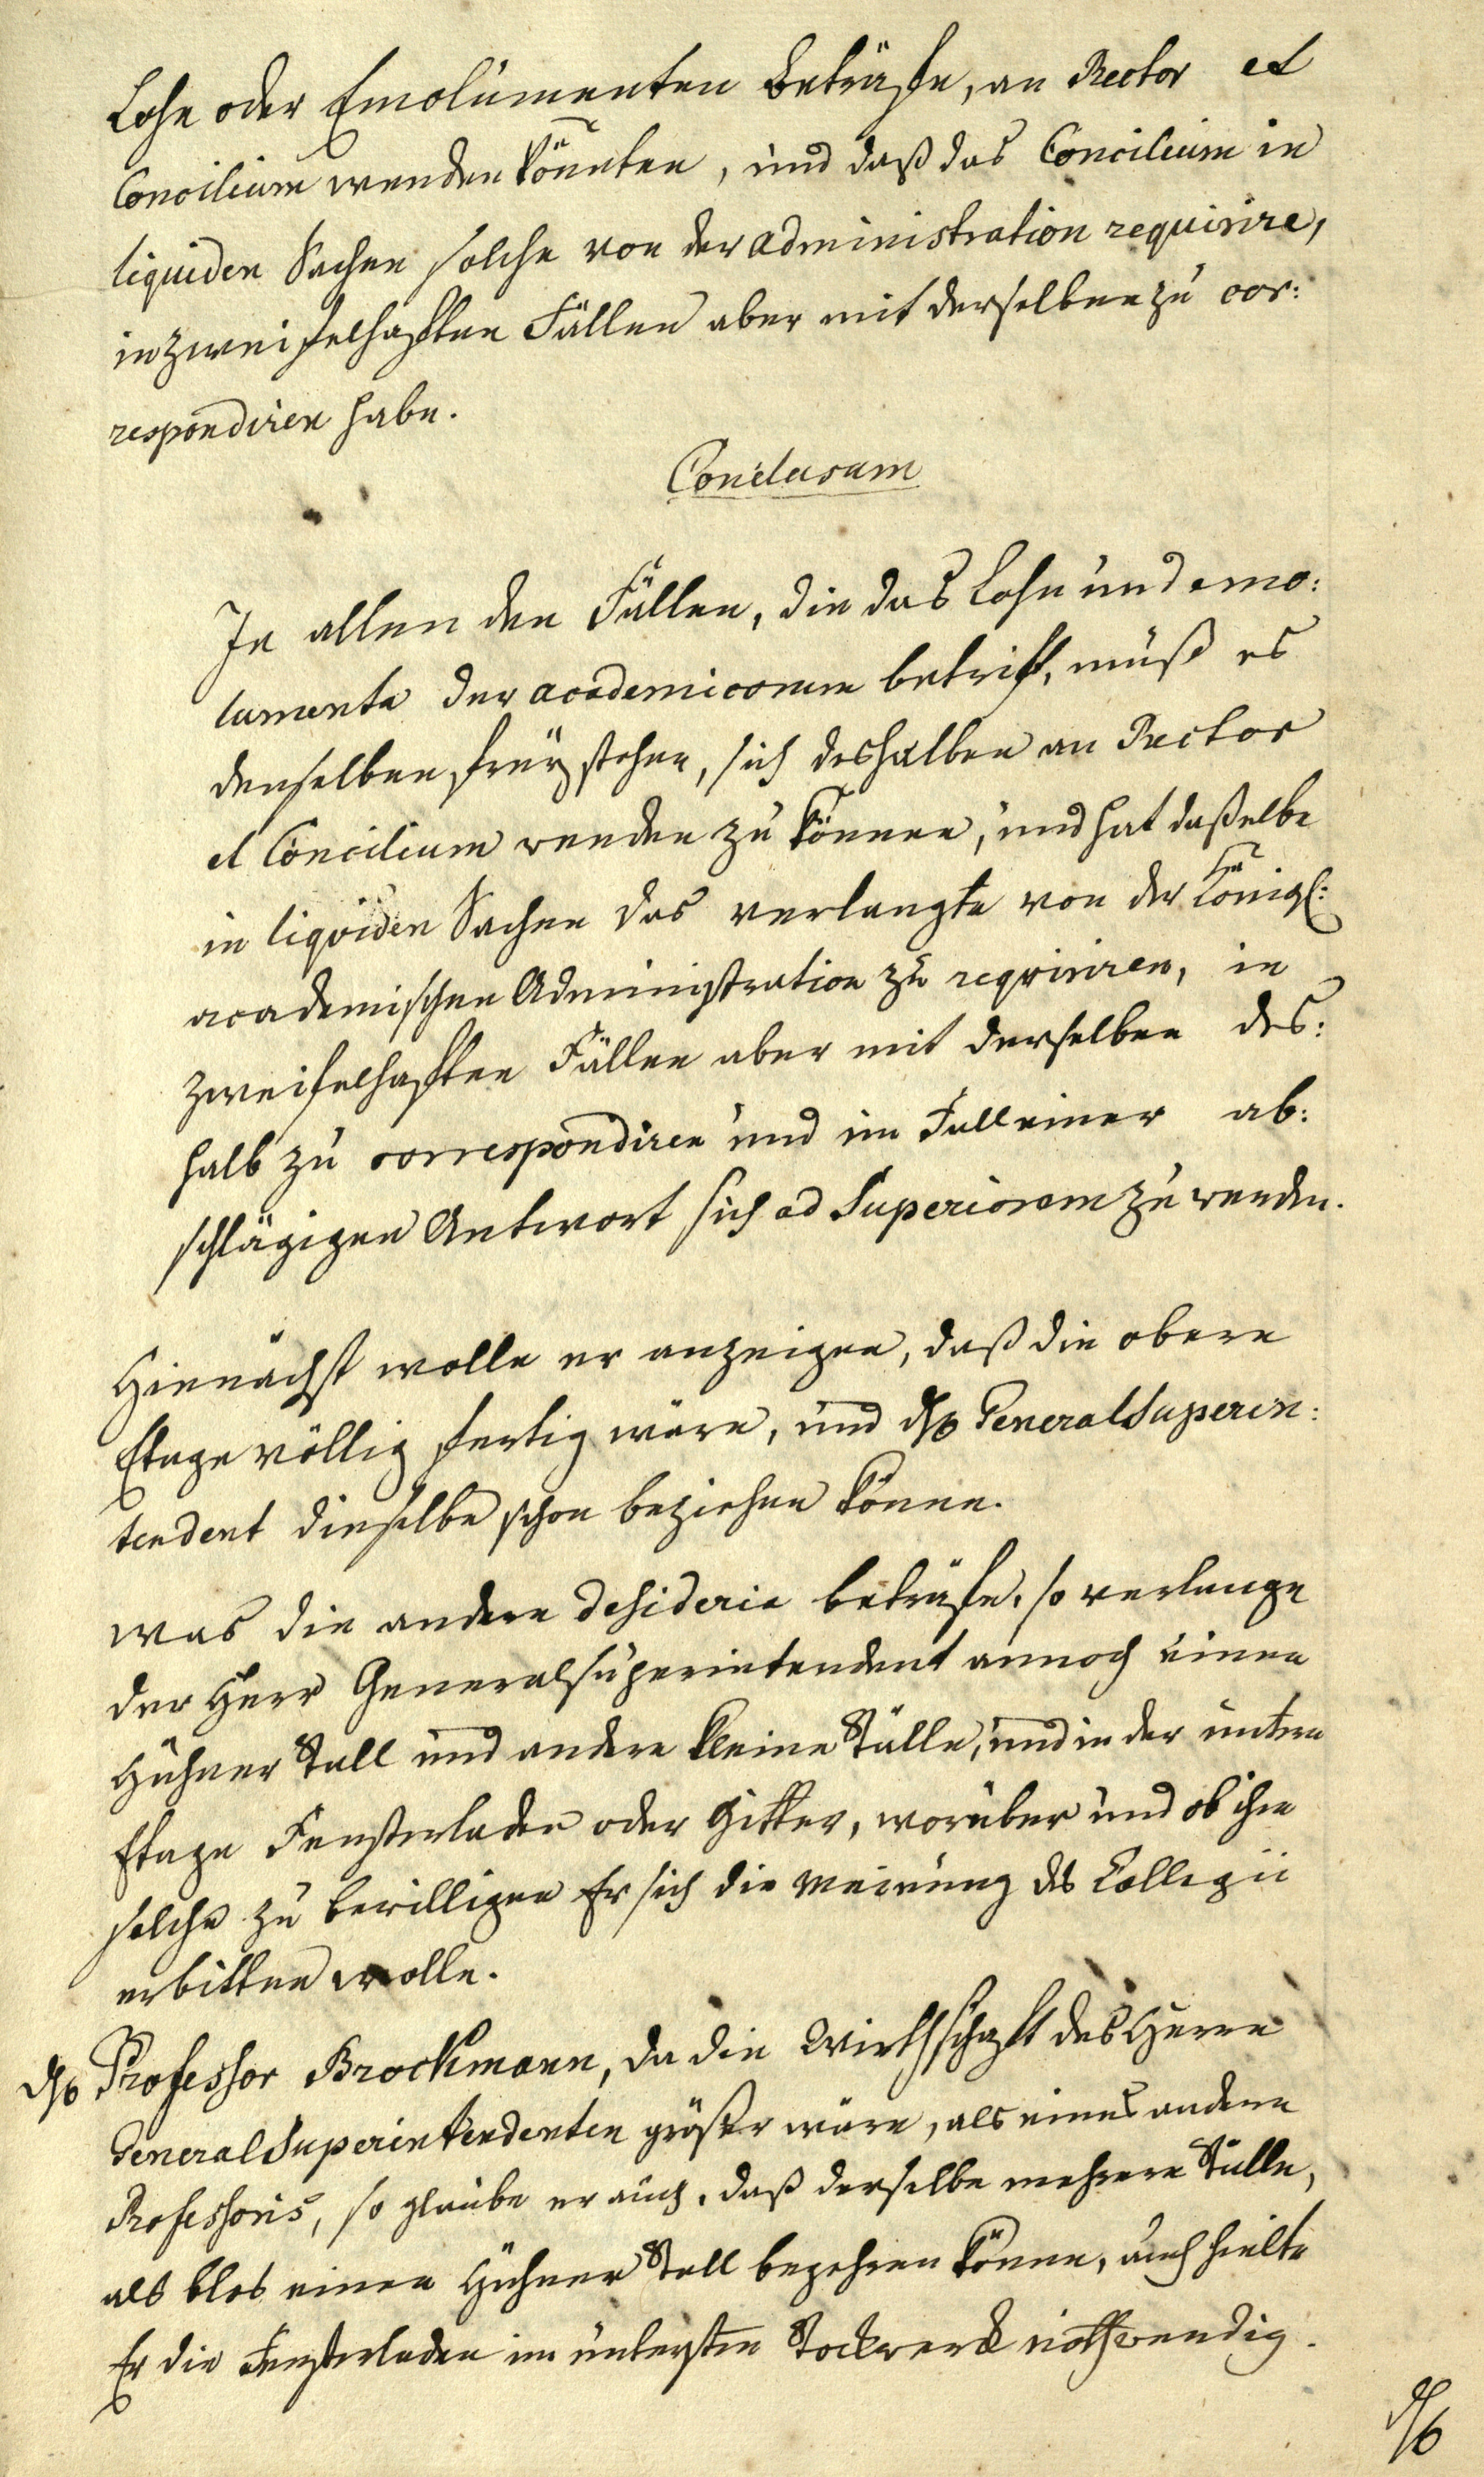Lohn oder Emolumenten beträfe, an Rector et
Concilium wenden könnten, und daß das Concilium in
liquiden Sachen solche von der Administration requirire,
in zweifelhaften Fällen aber mit derselben zu cor¬
respondiren habe.
Conclusum
In allen den Fällen, die das Lohn und emo¬
lumenta der Academicorum betrift, muß es
denselben freÿ stehen, sich deshalben an Rector
et Concilium wenden zu können, und hat daßelbe
in liquiden Sachen das verlangte von der Königl.
academischen Administration zu requiriren, in
zweifelhaften Fällen aber mit derselben des¬
halb zu correspondiren und im Fall einer ab¬
schlägigen Antwort sich ad Superioram zu wenden.
Hienächst wolle er anzeigen, daß die obere
Etage völlig fertig wäre, und dh GeneralSuperin¬
tendent dieselbe schon beziehen könne.
was die andern desideria beträfe, so verlange
der Herr Generalsuperintendent annoch einen
Hühner Stall und andere kleine Ställe, und in der untern
Etage Fensterladen oder Gitter, worüber und ob ihm
solche zu bewilligen Er sich die Meinung des Collegii
erbitten wolle.
dh Professor Brockmann, da die Wirthschaft des Herrn
GeneralSuperintendenten größer wäre, als eines andern
Professoris, so glaube er auch, daß derselbe mehrere Ställe,
als blos einen Hühner Stall begehren könne, auch hielte
Er die Fensterladen im untersten Stockwerk nothwendig.